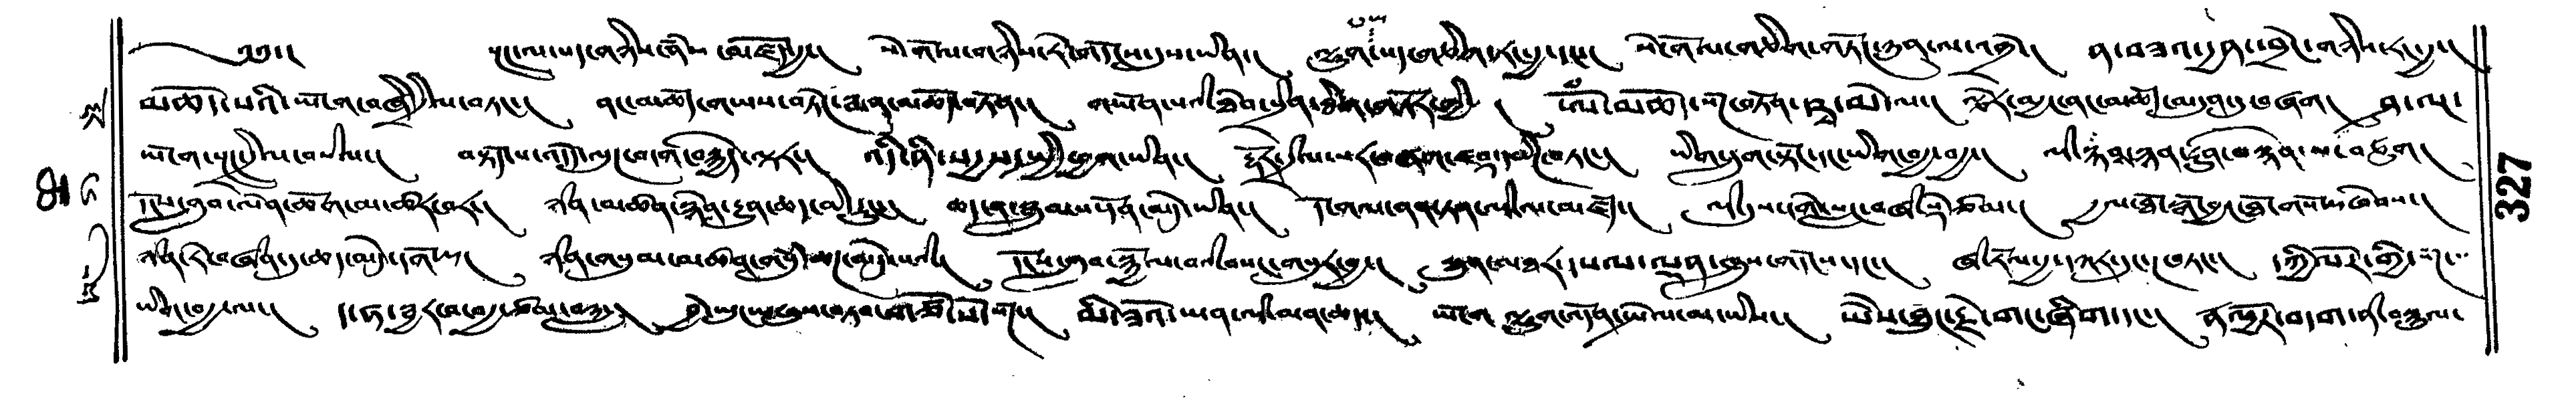།སྔགས་ལ་པད་གཉིས་ནམ་མཛོད་རྒྱ། །སེ་གོལ་གཉིས་རེ་གདངས་དུས་ཡིན། །ལྷུག་དུས་པད་གཅིག་རང་རྒྱ་དང་། །སེ་གོལ་གཅིག་གཏོགས་ཀུན་ལ་འགྲེ། །ན་བཟའ་རྒྱན་ཕྲེང༴ གཉིས་རང་རྒྱ། །
མཆོད་པའི༴ ཡོ་ག་བཞི་དྲིལ་བཏང་། །ནང་མཆོད་གཡས་བཏེགས་སྨན་མཆོད་བཏོན། །གཡོན་པའི་ཐེབ་སྲིན་ཐིག་གཏོར་གྱི། །ཨོཾ་མཆོད༴ སོགས་བཏོན་རྭ་མེ༴ ལ། ལྕེར་མྱང་ནང་མཆོད་མདུན་དུ་བཞག །ཤ་ལྔ༴ 
ཡ ོ་ག་སྔགས་དྲིལ་བསིལ། །བསྟོད་པ་འདོན་ལུགས་བདག་བསྐྱེད་ལྟར། །འདི་ནི་སངས་རྒྱས༴ སྤྱ ི་ཕྱག་ཡིན། །རྡོར་དྲིལ་སར་བཞག་འཛབ་དམིགས་བཏང་། །ཡིག་དྲུག་སྟོང་དང་ཡིག་བརྒྱ་བརྒྱ། །འདི་སྐབས་བསྙན་རྒྱུན་བསྙེན་པ་འཛུག །
དངོས་གྲུབ་ལེན་ཆོག་མ་ཚར་བར། །ཉིན་མཚན་སྙེན་རྒྱུན་ཆད་མི་རུང་། །ཆད་ན་སྒྲུབ་པ་དོན་མེད་ཡིན། །དོ་གལ་ནན་ཏན་འདི་ལ་མཛོད། །འདི་དུས་དགེ་སློང་བཞི་སྡེ་ཙམ། །རྒྱལ་ཐོ་སྒོ་བྱང་ཐོ་གསོལ་ཕེབས། །
ཉིན་རེ་བཞིན་དུ་ཆད་མེད་དགོས། །ཉིན་གསུམ་མཚན་གསུམ་ཆག་མེད་པའི། །དངོས་གྲུབ་བསྐུལ་བའི་བསང་གསུར་བྱ། །ཐུན་མཐར་དཔལ་ལྡན༴ ཁྲུས་གདོངས་དང་། །ཞི་རོལ་རྒྱ་དཀར་དུང་ཌཱ་བཏང་། །དཀྱིལ་འཁོར་གྱི༴ 
སོགས་ཡིག་བརྒྱ་ལ། ད་ཧ༴ སྦྱར་བ་བརྒྱ་ཙམ་བཟླ། །བྱེ་ཡུངས་ཁྲུས་བཏབ་གཙོ་བོ༴ སོགས། །མི་ཟའོ༴ ཡན་འདི་མན་ཆད། །ཡོ་ག་ལྷུག་འདོན་སྤེལ་མ་ཡིས།།ཡེ་ཤེས་ཐུགས་རྗེ་གང་ཞིག༴ དང་། །རྣལ་འབྱོར་བདག་ནི༴ བསྐུལ་